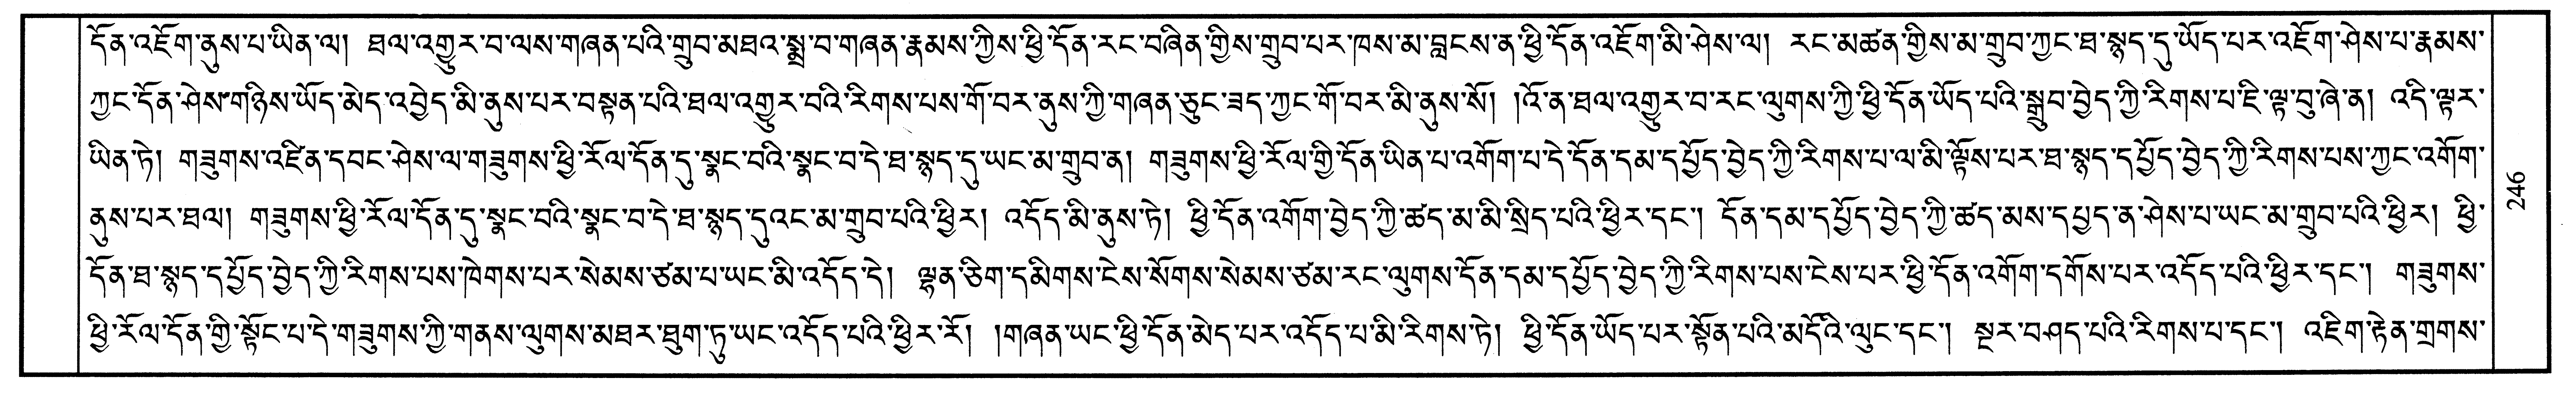དོན་འཇོག་ནུས་པ་ཡིན་ལ། ཐལ་འགྱུར་བ་ལས་གཞན་པའི་གྲུབ་མཐའ་སྨྲ་བ་གཞན་རྣམས་ཀྱིས་ཕྱི་དོན་རང་བཞིན་གྱིས་གྲུབ་པར་ཁས་མ་བླངས་ན་ཕྱི་དོན་འཇོག་མི་ཤེས་ལ། རང་མཚན་གྱིས་མ་གྲུབ་ཀྱང་ཐ་སྙད་དུ་ཡོད་པར་འཇོག་ཤེས་པ་རྣམས་
ཀྱང་དོན་ཤེས་གཉིས་ཡོད་མེད་འབྱེད་མི་ནུས་པར་བསྟན་པའི་ཐལ་འགྱུར་བའི་རིགས་པས་གོ་བར་ནུས་ཀྱི་གཞན་ཅུང་ཟད་ཀྱང་གོ་བར་མི་ནུས་སོ། །འོ་ན་ཐལ་འགྱུར་བ་རང་ལུགས་ཀྱི་ཕྱི་དོན་ཡོད་པའི་སྒྲུབ་བྱེད་ཀྱི་རིགས་པ་ཇི་ལྟ་བུ་ཞེ་ན། འདི་ལྟར་
ཡིན་ཏེ། གཟུགས་འཛིན་དབང་ཤེས་ལ་གཟུགས་ཕྱི་རོལ་དོན་དུ་སྣང་བའི་སྣང་བ་དེ་ཐ་སྙད་དུ་ཡང་མ་གྲུབ་ན། གཟུགས་ཕྱི་རོལ་གྱི་དོན་ཡིན་པ་འགོག་པ་དེ་དོན་དམ་དཔྱོད་བྱེད་ཀྱི་རིགས་པ་ལ་མི་ལྟོས་པར་ཐ་སྙད་དཔྱོད་བྱེད་ཀྱི་རིགས་པས་ཀྱང་འགོག་
ནུས་པར་ཐལ། གཟུགས་ཕྱི་རོལ་དོན་དུ་སྣང་བའི་སྣང་བ་དེ་ཐ་སྙད་དུའང་མ་གྲུབ་པའི་ཕྱིར། འདོད་མི་ནུས་ཏེ། ཕྱི་དོན་འགོག་བྱེད་ཀྱི་ཚད་མ་མི་སྲིད་པའི་ཕྱིར་དང་། དོན་དམ་དཔྱོད་བྱེད་ཀྱི་ཚད་མས་དཔྱད་ན་ཤེས་པ་ཡང་མ་གྲུབ་པའི་ཕྱིར། ཕྱི་
དོན་ཐ་སྙད་དཔྱོད་བྱེད་ཀྱི་རིགས་པས་ཁེགས་པར་སེམས་ཙམ་པ་ཡང་མི་འདོད་དེ། ལྷན་ཅིག་དམིགས་ངེས་སོགས་སེམས་ཙམ་རང་ལུགས་དོན་དམ་དཔྱོད་བྱེད་ཀྱི་རིགས་པས་ངེས་པར་ཕྱི་དོན་འགོག་དགོས་པར་འདོད་པའི་ཕྱིར་དང་། གཟུགས་
ཕྱི་རོལ་དོན་གྱི་སྟོང་པ་དེ་གཟུགས་ཀྱི་གནས་ལུགས་མཐར་ཐུག་ཏུ་ཡང་འདོད་པའི་ཕྱིར་རོ། །གཞན་ཡང་ཕྱི་དོན་མེད་པར་འདོད་པ་མི་རིགས་ཏེ། ཕྱི་དོན་ཡོད་པར་སྟོན་པའི་མདོའི་ལུང་དང་། སྔར་བཤད་པའི་རིགས་པ་དང་། འཇིག་རྟེན་གྲགས་